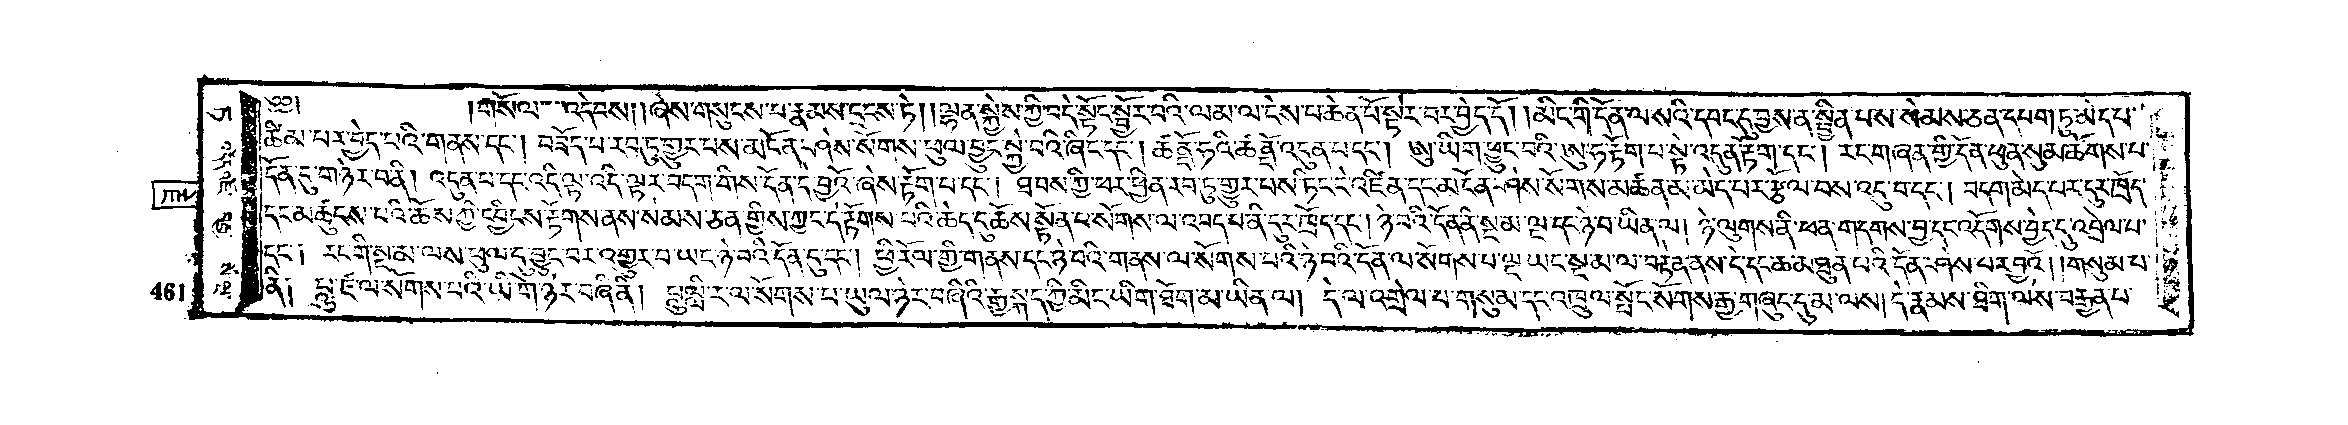༄༅། །གསོལ་འདེབས། །ཞེས་གསུངས་པ་རྣམས་དྲངས་ཏེ། །ལྷན་སྐྱེས་ཀྱི་བདེ་སྟོང་སྦྱོར་བའི་ལམ་ལ་ངེས་པ་ཆེན་པོ་སྟེར་བར་བྱེད་དོ། །མིང་གི་དོན་ལ་སའི་དབང་དུ་བྱས་ན་སྦྱིན་པས་སེམས་ཅན་དཔག་ཏུ་མེད་པ་
ཚིམ་པར་བྱེད་པའི་གནས་དང་། བཟོད་པ་རབ་ཏུ་གྱུར་པས་མངོན་ཤེས་སོགས་ཕུལ་བྱུང་སྐྱེ་བའི་ཞིང་དང་། ཚནྡོ་ཧའི་ཚནྡོ་པའི་ཉེ་བའི་དོན་ལ་སོགས་པ་ལྔ་ཡང་སྔ་མ་ལ་བརྟེན་ནས་དེ་དང་ཆ་མཐུན་པའི་དོན་ཤེས་པར་བྱའོ། །གསུམ་པ་
དོན་དུ་གཉེར་བ་ནི། འདུན་པ་དང་འདི་ལྟ་འདི་ལྟར་བདག་གིས་དོན་དེ་བྱའོ་ཞེས་རྟོགས་པ་དང་། ཐབས་ཀྱི་ཕར་ཕྱིན་རབ་ཏུ་གྱུར་པས་ཏིང་ངེ་འཛིན་དང་མངོན་ཤེས་སོགས་མཚན་མ་མེད་པར་རྩོལ་བས་འདུ་བ་དང་། བདག་མེད་པར་དུར་ཁྲོད་
དང་མཚུངས་པའི་ཆོས་ཀྱི་དབྱིངས་རྟོགས་ནས་སེམས་ཅན་གྱིས་ཀྱང་དེ་རྟོགས་པའི་ཆེད་དུ་ཆོས་སྟོན་པ་སོགས་ལ་འབད་པ་ནི་དུར་ཁྲོད་དང་། ཉེ་བའི་དོན་ནི་སྔ་མ་ལྔ་དང་ཉེ་བ་ཡིན་ལ། ཉེ་ལུགས་ནི་ཕན་གདགས་བྱ་དང་འདོགས་བྱེད་དུ་འབྲེལ་བ་
དང་། རང་གི་སྔ་མ་ལས་ཕུལ་དུ་བྱུང་བར་གྱུར་བ་ཡང་ཉེ་བའི་དོན་དུ་དང་། ཕྱི་རོལ་གྱི་གནས་དང་ཉེ་བའི་གནས་ལ་སོགས་པའི་ཉེ་བའི་དོན་ལ་སོགས་པ་ལྔ་ཡང་སྔ་མ་ལ་བརྟེན་ནས་དེ་དང་ཆ་མཐུན་པའི་དོན་ཤེས་པར་བྱའོ། །གསུམ་པ་
ནི། པཱུ་ཛ་ལ་སོགས་པའི་ཡི་གེ་ཉེར་བཞི་ནི། པཱུལླི་ར་ལ་སོགས་པ་ཡུལ་ཉེར་བཞིའི་རྒྱ་སྐད་ཀྱི་མིང་ཡིག་ཐོག་མ་ཡིན་ལ། དེ་ལ་འགྲེལ་པ་གསུམ་དང་འཁྲུལ་སྤོང་སོགས་རྒྱ་གཞུང་དུ་མ་ལས། དེ་རྣམས་ཐིག་ལེས་བརྒྱན་པ་